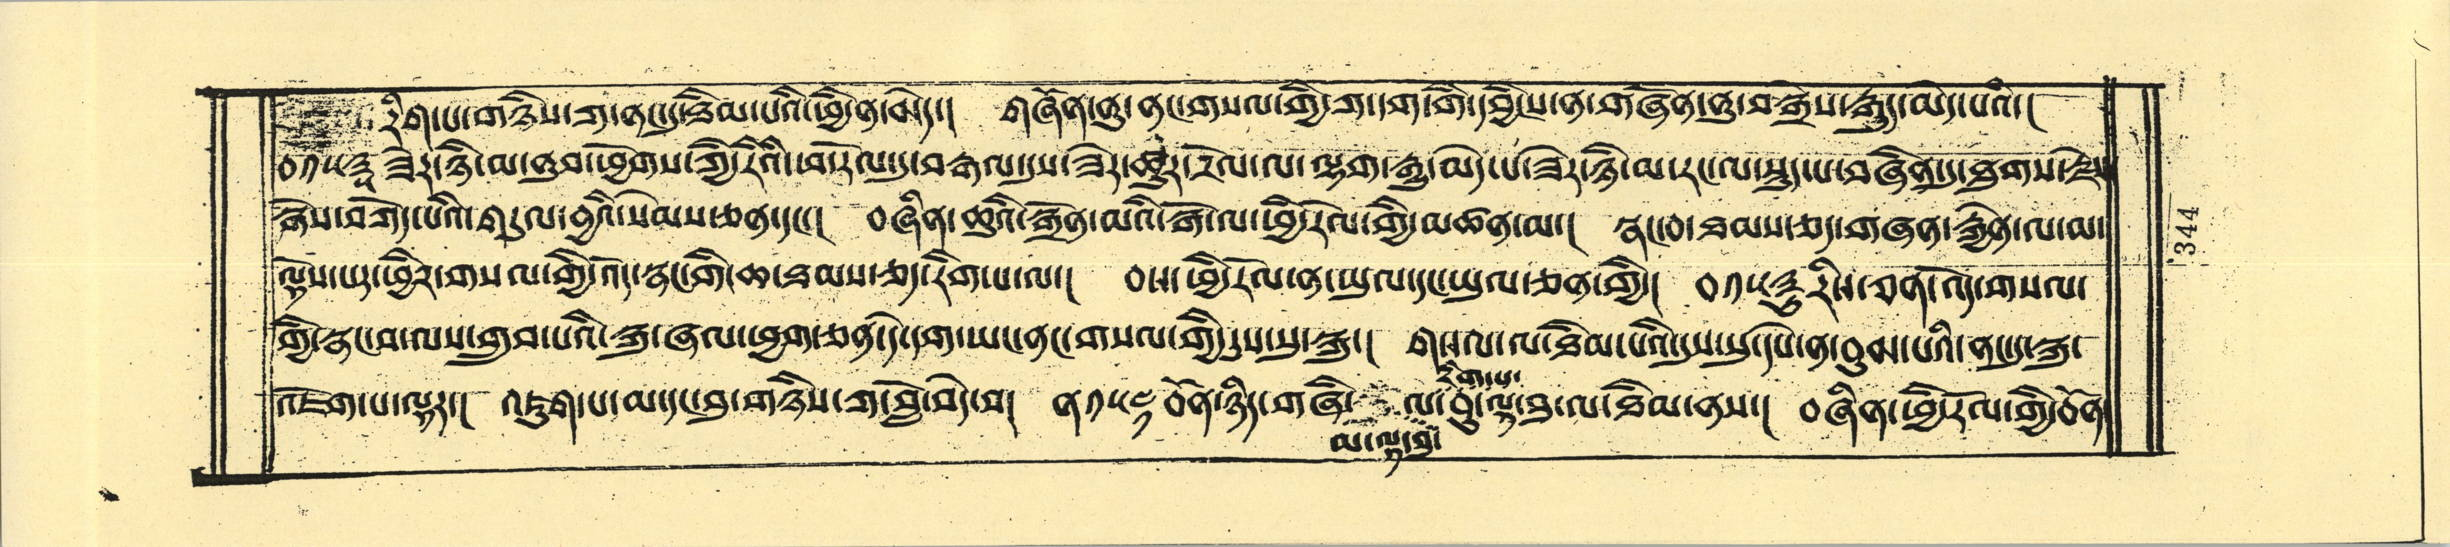༼རིག་པ་༽གཉིས་ཀ་ནང་དུ་ཐིམ་པའི་ཕྱི་ན་ ༼མེད།༽ ༼གཞོན་ནུ་༽ནང་གསལ་གྱི་ཀ་དག་གི་དབྱིངས་ན་གཞོན་ནུ་བསྒྲས་རྒྱུད་མེད་པའི། 
བ༡༥༣།༥ ༼ཟེར་༽ཉི་མ་ནུབ་ཕྱོགས་ཀྱི་རིའི་ཕ་རོལ་དུ་བརྒལ་དུས་ཟེར་ཚུར་རོལ་ལ་ལྷག་རྒྱུ་མེད་པ་ཟེར་ཉི་མ་རང་ལ་སྡུད་པ་བཞིན་དུ་ཐུགས་རྗེས་
སྒོས་བཀོད་པའི་ ༼གདུལ་བྱའི་༽སེམས་ཅན་དང། ༼བཞིན་༽ཆུའི་སྒྲོན་མའི་སྒོ་ལ་ཕྱི་རོལ་གྱི་མཚན་མ། ༼སྣང་བ་༽ཐམས་ཅད་གཞན་རྐྱེན་ལ་མ་
ལྟོས་པར་ཕྱིར་གསལ་གྱི་འོད་སྣང་གི་ཆ་ཐམས་ཅད་རིག་པ་ལ། ༼བས་༽ཕྱི་རོལ་ན་ཡུལ་དང་ཡུལ་ཅན་གྱི། བ༡༥༣།༦ ༼རིས་ཅན་༽འོད་གསལ་
གྱི་སྣང་བ་ལས་གྲུབ་པའི་སྐུ་ཞལ་ཕྱག་ཅན་དེ་དག་ཡང་ནང་གསལ་གྱི་དུས་སུ་སྐུ། ༼གསལ་༽ལ་ཐིམ་པའི་དུས་སུ་དཔེ་ན་ ༼བུམ་པའི་༽ནང་དུ་སྐུ་
འཇོག་པ་ལྟར། ༼འཇུག་པ་༽མ་དང་བུ་གཉིས་ཀ་བློ་བདེ་བ། ན༡༥༤།༡ ༼བོན་ཉིད་༽གཞི་མ་ལྟ་བུ་ལ་རིག་པ་ ༼བུ་༽ལྟ་བུ་ལ་ཐིམ་ནས། ༼བཞིན་༽ཕྱི་རོལ་གྱི་ ༼བོན་༽